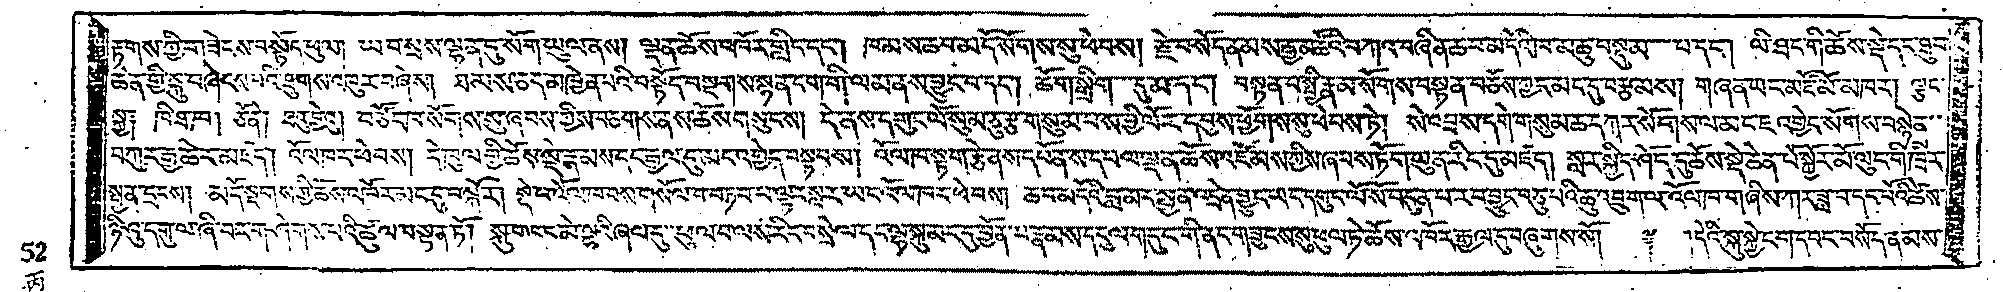རྟགས་ཀྱི་གཟེངས་བསྟོད་ཕུལ། ཡབ་སྲས་ལྷན་དུ་སོག་ཡུལ་ནས། ལྡན་ཆོས་འཁོར་གླིང་དང་། ཁམས་ཆབ་མདོ་སོགས་སུ་ཕེབས། རྗེ་བསོད་ནམས་རྒྱ་མཚོའི་བཀའ་བཞིན་ཆབ་མདོའི་ཁ་མཆུ་བསྡུམ་པ་དང་། ལི་ཐང་གི་ཆོས་སྡེ་དང་ཐུབ་
ཆེན་གྱི་སྐུ་བཞེངས་པའི་ཐུགས་འཁུར་བཞེས། ཐམས་ཅད་མཁྱེན་པའི་བསྟོད་བསྔགས་སྙན་ངག་གི་ལམ་ནས་བྱུང་བ་དང་། ཆོག་སྒྲིག་དུ་མ་དང་། བསྟན་པ་སྤྱི་རྣམ་སོགས་བསྟན་བཅོས་ཀྱང་མང་དུ་བརྩམས། གཞན་ཡང་མཛོ་མོ་མཁར། ལྕང་
སྐྱ༑ ཁི་ཐ་ཁ། ཅོ་ནེ། ཐའུ་བྱེའུ། བཙོང་ཁ་སོགས་སུ་ཞབས་ཀྱིས་བཅགས་ནས་ཆོས་གསུངས། དེ་ནས་དགུང་ལོ་སུམ་ཅུ་རྩ་གསུམ་པས་བྱི་ལོར་དབུས་ཕྱོགས་སུ་ཕེབས་ཏེ། སེ་འབྲས་དགེ་གསུམ་ཆ་དཀར་སོགས་ལ་མང་ཇ་འགྱེད་སོགས་བསྙེན་
བཀུར་རྒྱ་ཆེར་མཛད། འོལ་ཁར་ཕེབས། དེ་ཁུལ་གྱི་ཆོས་སྡེ་རྣམས་དང་རྒྱལ་དུ་མང་འགྱེད་བསྟབས། འོལ་ཁ་སྟག་རྩེ་ནས་དཔོན་ས་དཔལ་ལྡན་ཆོས་འཛོམས་ཀྱིས་ཞབས་ཏོག་ཡུན་རིང་དུ་མཛད། སླར་སྐྱིད་ཤོད་དུ་ཆོས་སྡེ་ཆེན་པོ་སྐྱོར་མོ་ལུང་གི་ཁྲིར་
སྤྱན་དྲངས། མདོ་སྔགས་ཀྱི་ཆོས་འཁོར་མང་དུ་བསྐོར། སྡེ་པ་འོལ་ཁ་བས་གསོལ་བ་བཏབ་པ་ལྟར་སླར་ཡང་འོལ་ཁར་ཕེབས། ཆབ་མདོའི་བླ་མར་སྤྱན་འདྲེན་བྱུང་ཡང་དགུང་ལོ་སོ་བདུན་པ་རབ་བྱུང་བཅུ་པའི་ཆུ་འབྲུག་ལ་འོལ་ཁ་གཞིས་ཀར་ཟླ་བ་དང་པོའི་ཚེས་
ཉི་ཤུ་དགུ་ལ་ཞི་བར་གཤེགས་པའི་ཚུལ་བསྟན་ཏོ། སྐུ་གདང་མེ་ལྷའི་ཞལ་དུ་ཕུལ་བ་ལས་རིང་བསྲེལ་དང་ལྷ་སྐུ་མང་དུ་བྱོན་པ་རྣམས་དངུལ་གདུང་གི་ནང་གཟུངས་སུ་ཕུལ་ཏེ་ཆོས་འཁོར་རྒྱལ་དུ་བཞུགས་སོ། ༈ །དེའི་སྐུ་སྐྱེ་ངག་དབང་བསོད་ནམས་